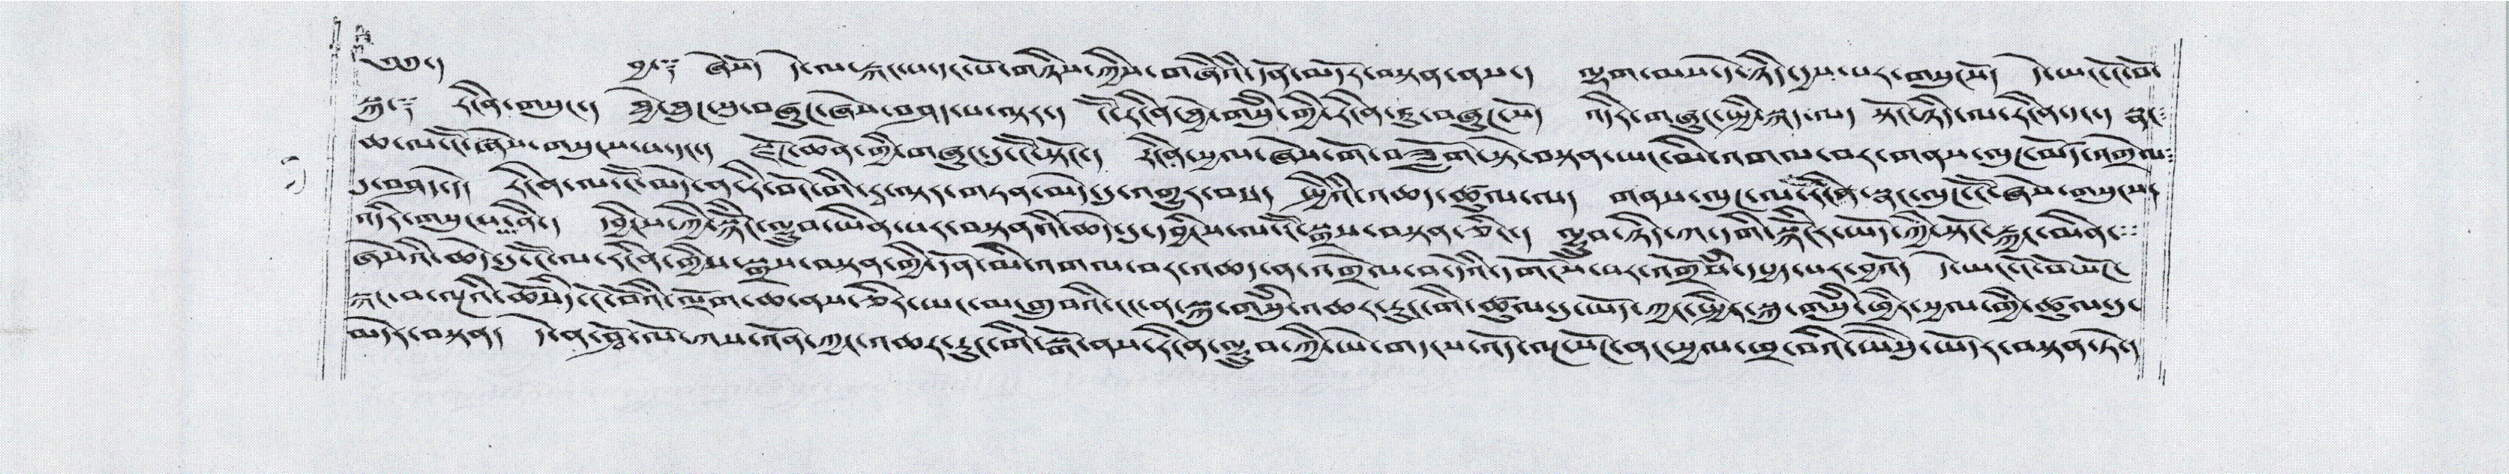བྱ། ཞེས་སོ། དེ་ལ་རྐང་པ་དང་པོ་གཉིས་ཀྱིས་གཞིའི་དོན་མདོར་བསྟན་ནས། ལྷག་མས་དེ་ཉིད་རྒྱས་པར་གསུངས་སོ། དེ་ཡང་ངོ་བོ་
༔སྐུ། རང་བཞིན་གསུང་། ཐུགས་རྗེ་ཐུགས་སུ་བཞུགས་ཞེས་བཤད་པ་ལྟར། ངོ་བོ་རང་བཞིན་ཐུགས་རྗེ་གསུམ་གྱི་རང་བཞིན་དུ་བཞུགས་སོ། འདིར་གཞུང་སྤྱི་སྐད་ལ་སྟོང་ཉིད་ལ་རང་བཞིན་དང་། སྣང་
ཆ་ལ་ངོ་བོ་ཞེས་གསུངས་པ་དང་། རྫོགས་ཆེན་གྱི་གཞུང་དུ་ངོ་བོ་སྟོང་། རང་བཞིན་གསལ་ཞེས་གོ་བཟློག་སྟེ་བསྟན་ཡང་མི་འགལ་བར་གནས་ལུགས་མཛོད་འགྲེལ་
དུ་བཤད་དེ། རང་བཞིན་ལ་ངོ་བོ་མེད་ན་རི་བོང་གི་རྭ་ལྟར་གཏན་མེད་དུ་འགྱུར་བས། སྤྱིའི་འཆད་ཚུལ་ལ། གནས་ལུགས་ལ་རང་བཞིན་སྣང་ལུགས་ངོ་བོ་ཞེས་གསུངས། 
འདིར་གསུངས་པ་ནི། དབྱིངས་ཀྱི་སྙིང་པོ་ལྷུན་གྲུབ་ཡིན་པར་བསྟན་པའི་ཆེད་དུ་དབྱིངས་ལ་ངོ་བོ་སྒྲས་བསྟན་ཅིང་། ལྷུན་གྲུབ་ཉིད་ཀ་དག་གི་སྙིང་པོར་ཡོད་ཀྱི་སྟོང་རྐྱང་མིན་
ཞེས་པའི་ཆེད་དུ་ངོ་བོ་རང་བཞིན་གྱི་སྒྲས་བསྟན་གྱི་དོན་མི་འགལ་བར་འཆད་ན་འགྲེལ་བ་དེའི་འགྲོས་སམ་དཔྱད་པར་བྱའོ། དེ་ཡང་ངོ་བོ་སོགས་
རྐང་པ་ལྔ་ཡིས་ཆོས་ཉིད་ངོ་བོའི་ལྡོག་ཆ་ནས་ཅིར་ཡང་མ་གྲུབ་པའི་ངང་ན་སྐུ་གསུམ་འཆར་རུང་གི་ཚུལ་དུ་ཡོད་ཀྱང་སྤྱིར་སྐུ་གསུམ་ཕྱིར་གསལ་གྱི་ཚུལ་དུ་
མེད་པར་བསྟན། དེས་ན་ཤྭོ་ལོ་ཀས་འོན་ཀྱང་འཆར་རུང་གི་སྒོ་ནས་རང་བཞིན་ལྷུན་གྲུབ་ཀྱི་ཡེ་གདངས་འོད་ལྔ་སོགས་ནང་གསལ་ཕྲ་བའི་ཡེ་ཤེས་སུ་ཡོད་པར་བསྟན་ཏེ།